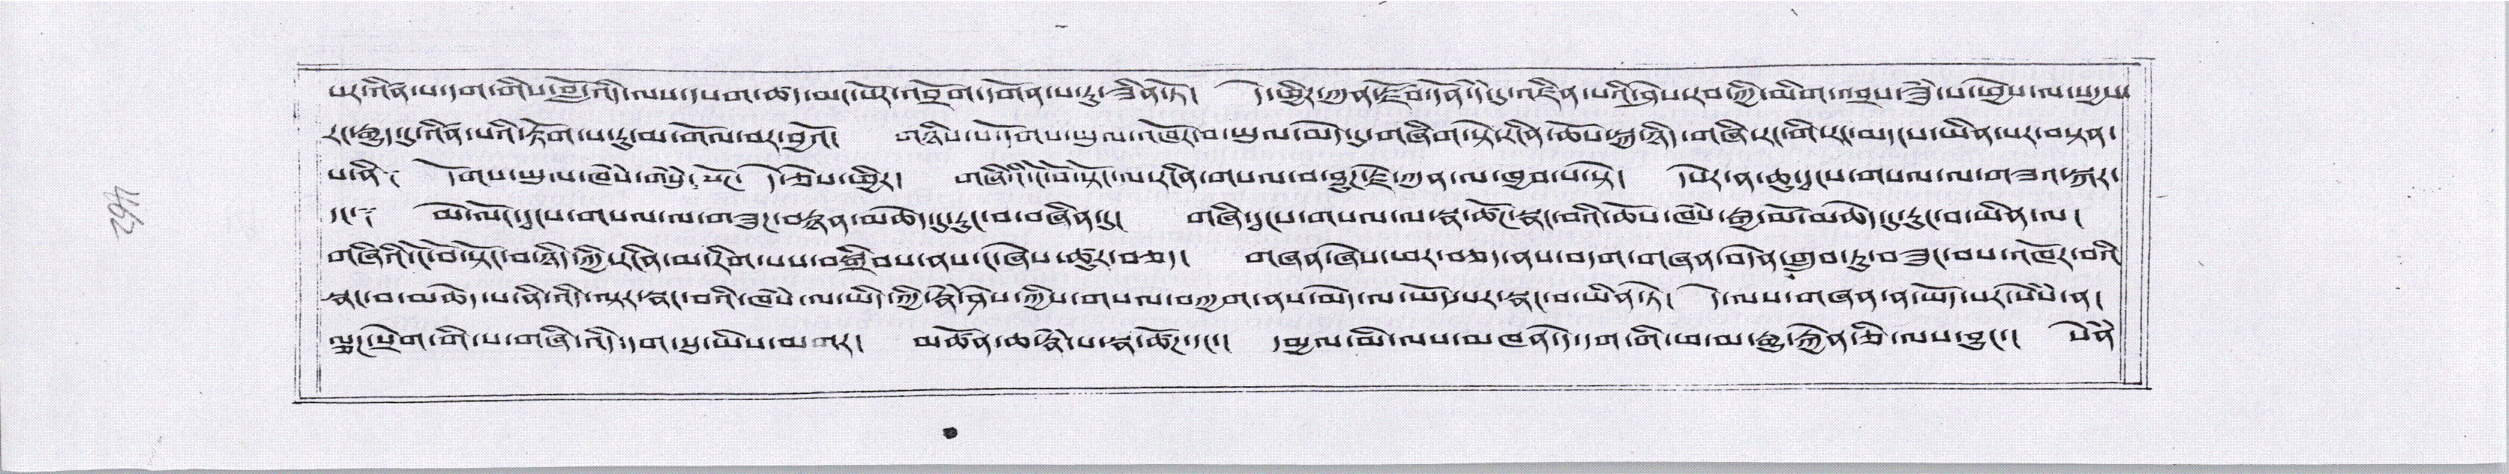པར་འཛིན་པ་དག་གིས་བློ་འདི་ལས་དཔག་ཚད་མང་པོར་འབྲོག་དགོན་པ་རུ་ཟིན་ཏོ། དེ་ཕྱིར་ཀུན་རྫོབ་དོན་དམ་དུ་འཛིན་པའི་ཤེས་རབ་ཀྱི་མིག་འབྲས་ཟུམ་པ་ཕྱེས་ལ། སངས་རྒྱས་
རང་རྒྱུད་དུ་འཛིན་པའི་རྟོག་པ་རུ་མ་གོལ་བར་བྱའོ། གཉིས་པ་དྭོགས་ཡུལ་འཁོར་བ་ཡུལ་མེད་དུ་གཞིག་སྟེ་རང་བཞིན་ཆོས་སྐུ་ཉིད་གཞི་རང་གི་རང་མདངས་ཡིན་པར་བསྟན་
པ་ནི། དྭོགས་ཡུལ་ཁམས་གསུམ་སོགས། དེ་ཅེས་ཕྱིར། གཞིའི་ངོ་བོ་སྟོང་ལ་རང་བཞིན་གསལ་བ་ཐུགས་རྗེ་ཀུན་ལ་ཁྱབ་པ་སྟེ། དཔེར་ན་ཆུ་དྭངས་གསལ་ལ་གཟའ་སྐར་
དང་། མེ་ལོང་དྭངས་གསལ་ལ་གཟུགས་བརྙན་མཆེད་དུ་རུང་བ་བཞིན་དུ། གཞི་དྭངས་གསལ་ལ་སྣ་ཚོགས་སྣང་བའི་ཆོས་ཁམས་རྒྱ་མཚོ་མཆེད་དུ་རུང་བ་ཡིན་ལ། 
གཞིའི་ངོ་བོ་སྟོང་པ་ཉིད་ཀྱི་རང་བཞིན་མ་རིག་པས་བསྒྲིབས་ནས་ང་ཞེས་ཚུར་བཅད། གཞན་ཞེས་ཕར་བཅད་ནས་བདག་གཞན་བདེན་གྲུབ་ཏུ་བཟུང་བས་འཁོར་བའི་
སྣང་བ་མཆེད་པ་ནི་འདི་ལྟར་སྣང་བའི་ཁམས་ལ་ཡིད་ཀྱི་རྣམ་ཤེས་ཀྱི་གསལ་བཀྱག་ནས་མེད་ལ་ཡོད་པར་སྣང་བ་ཡིན་ཏེ། དེ་ལས་གཞན་ན་ཡོད་པར་སེམས་ན། 
ལྕགས་སྲེག་གི་ས་གཞི་འདི་དག་སུ་ཡིས་མགར། མཚོན་ཆ་རྣམ་པ་སྣ་ཚོགས་དང་། དམྱལ་མི་ལས་མཁན་དེ་དག་གི་ཕ་མ་རྒྱུ་རྐྱེན་ཅི་ལས་བྱུང་། སེམས་ཅན་